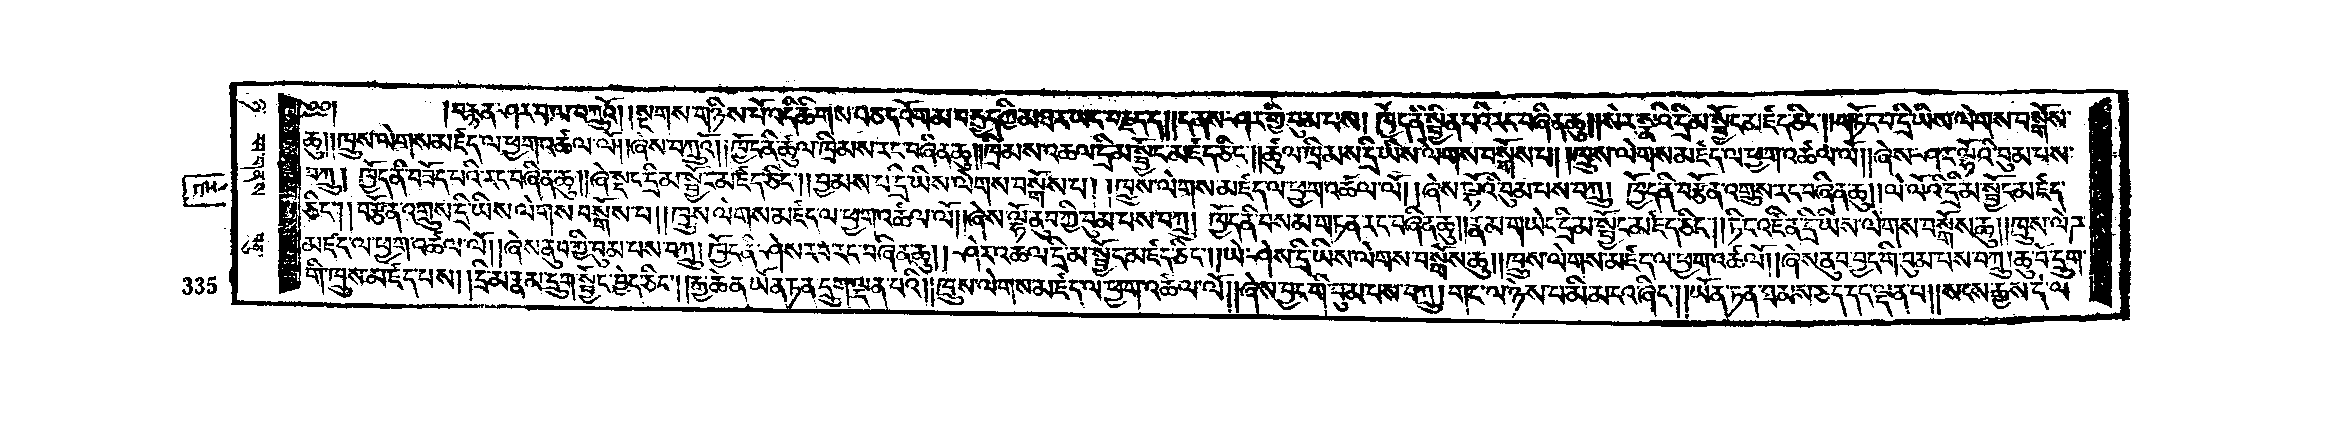༄༅། །བརྙན་ཤར་བ་ལ་བཀྲུའོ། །སྔགས་གཉིས་པོ་འདི་ཚིགས་བཅད་འོག་མ་བརྒྱད་ཀྱི་མཐར་ཡང་བརྗོད་དོ། །དེ་ནས་ཤར་གྱི་བུམ་པས། ཁྱོད་ནི་སྦྱིན་པའི་རང་བཞིན་ཆུ། །སེར་སྣའི་དྲི་མ་སྦྱོང་མཛད་ཅིང་། །གཏོང་བ་དྲི་ཡིས་ལེགས་བསྒོས་
ཆུ། །ཁྲུས་ལེགས་མཛེད་ལ་ཕྱག་འཚལ་ལོ། །ཞེས་བཀྲུའོ། །ཁྱོད་ནི་ཚུལ་ཁྲིམས་རང་བཞིན་ཆུ། །ཁྲིམས་འཆལ་དྲི་མ་སྦྱོང་མཛད་ཅིང་། །ཚུལ་ཁྲིམས་དྲི་ཡིས་ལེགས་བསྒོས་པ། །ཁྲུས་ལེགས་མཛེད་ལ་ཕྱག་འཚལ་ལོ། །ཞེས་ཤར་ལྷོའི་བུམ་པས་
བཀྲུ། ཁྱོད་ནི་བཟོད་པའི་རང་བཞིན་ཆུ། །ཞེ་སྡང་དྲི་མ་སྦྱོང་མཛད་ཅིང་། །བྱམས་པ་དྲི་ཡིས་ལེགས་བསྒོས་པ། །ཁྲུས་ལེགས་མཛད་ལ་ཕྱག་འཚལ་ལོ། །ཞེས་ལྷོའི་བུམ་པས་བཀྲུ། ཁྱོད་ནི་བརྩོན་འགྲུས་རང་བཞིན་ཆུ། །ལེ་ལོའི་དྲི་མ་སྦྱོང་མཛད་
ཅིང་། །བརྩོན་འགྲུས་དྲི་ཡིས་ལེགས་བསྒོས་པ། །ཁྲུས་ལེགས་མཛད་ལ་ཕྱག་འཚལ་ལོ། །ཞེས་ལྷོ་ནུབ་ཀྱི་བུམ་པས་བཀྲུ། ཁྱོད་ནི་བསམ་གཏན་རང་བཞིན་ཆུ། །རྣམ་གཡེང་དྲི་མ་སྦྱོང་མཛད་ཅིང་། །ཏིང་འཛིན་དྲི་ཡིས་ལེགས་བསྒོས་ཆུ། །ཁྲུས་ལེགས་
མཛད་ལ་ཕྱག་འཚལ་ལོ། །ཞེས་ནུབ་ཀྱི་བུམ་པས་བཀྲུ། ཁྱོད་ནི་ཤེས་རབ་རང་བཞིན་ཆུ། །ཤེར་འཆལ་དྲི་མ་སྤྱོད་མཛད་ཅིང་། །ཡེ་ཤེས་དྲི་ཡིས་ལེགས་བསྒོས་ཆུ། །ཁྲུས་ལེགས་མཛད་ལ་ཕྱག་འཚལ་ལོ། །ཞེས་ནུབ་བྱང་གི་བུམ་པས་བཀྲུ། ཆུ་བོ་དྲུག་
གི་ཁྲུས་མཛད་པས། །དྲི་མ་རྣམ་དྲུག་སྦྱོང་བྱེད་ཅིང་། །རྒྱ་ཆེན་ཡོན་ཏན་དྲུག་ལྡན་པའི། །ཁྲུས་ལེགས་མཛད་ལ་ཕྱག་འཚལ་ལོ། །ཞེས་བྱང་གི་བུམ་པས་བཀྲུ། གང་ལ་ཉེས་པ་མི་མངའ་ཞིང་། །ཡོན་ཏན་ཐམས་ཅད་དང་ལྡན་པ། །སངས་རྒྱས་དེ་ལ་